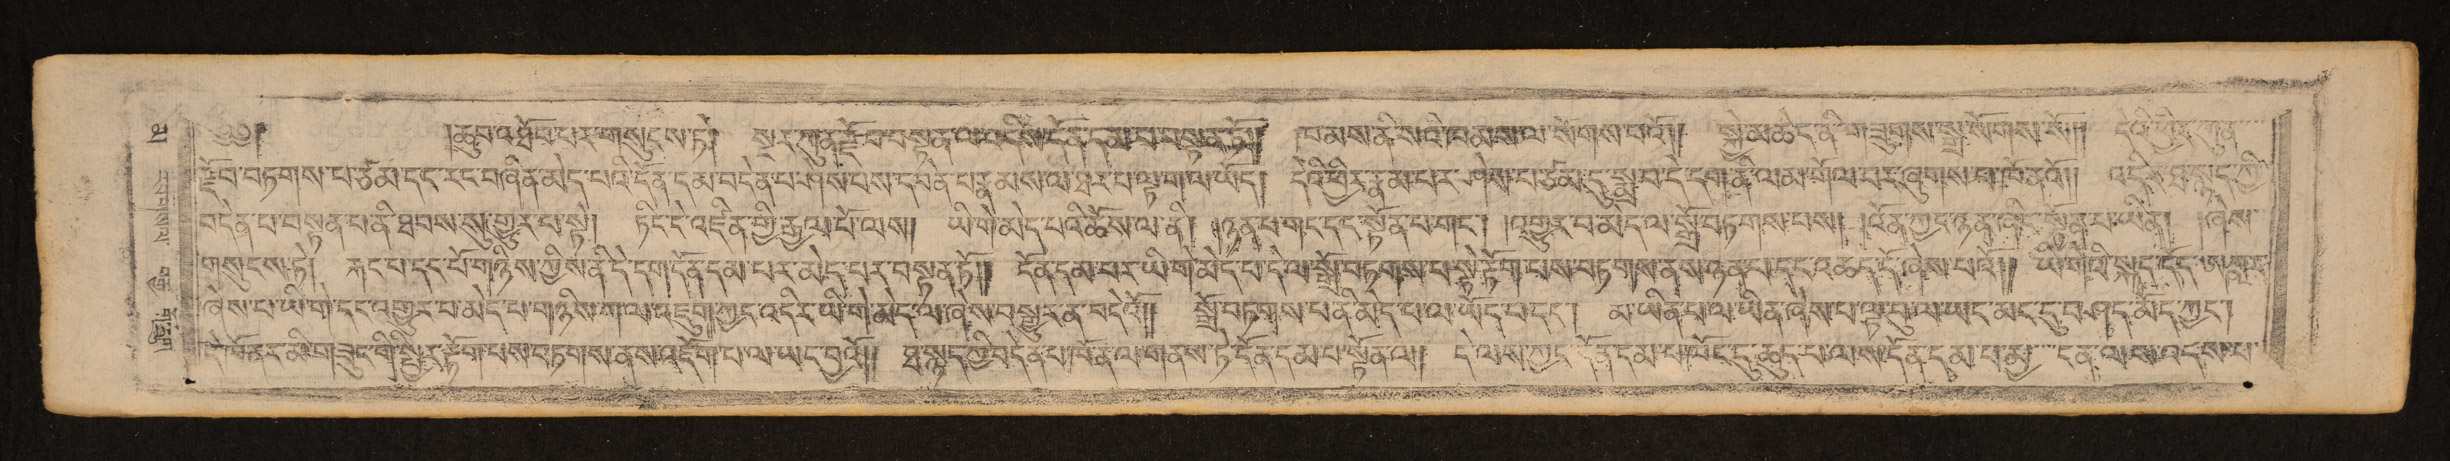༄༅། །ཆུབ་འཐོབ་པར་གསུངས་ཏེ། སྔར་ཀུན་རྫོབ་བསྟན་ལ་འདིས་དོན་དམ་པ་བསྟན་ཏོ།། ཁམས་ནི་སའི་ཁམས་ལ་སོགས་པའོ།། སྐྱེ་མཆེད་ནི་གཟུགས་སྒྲ་སོགས་སོ།། དེའི་ཕྱིར་ཀུན་
རྫོབ་བཏགས་པ་ཙམ་དང་རང་བཞིན་མེད་པའི་དོན་དམ་བདེན་པ་ཤེས་པས་དབེན་པ་རྣམས་ལ་ཐར་པ་ལྟ་ག་ལ་ཡོད། དེའི་ཕྱིར་རྣམ་པར་ཤེས་པ་ཙམ་དུ་སྨྲ་བ་དེ་དག་ནི་ལམ་གོལ་བར་ཞུགས་པ་ཁོ་ནའོ།། འདིར་ཐ་སྙད་ཀྱི་
བདེན་པ་བསྟན་པ་ནི་ཐབས་སུ་གྱུར་པ་སྟེ། ཏིང་ངེ་འཛིན་གྱི་རྒྱལ་པོ་ལས། ཡི་གེ་མེད་པའི་ཆོས་ལ་ནི། །ཉན་པ་གང་དང་སྟོན་པ་གང་། །འགྱུར་བ་མེད་ལ་སྒྲོ་བཏགས་པས། །འོན་ཀྱང་ཉན་ཞིང་སྟོན་པ་ཡིན། །ཞེས་
གསུངས་ཏེ། རྐང་པ་དང་པོ་གཉིས་ཀྱིས་ནི་དེ་དག་དོན་དམ་པར་མེད་པར་བསྟན་ཏོ།། དོན་དམ་པར་ཡི་གེ་མེད་པ་དེ་ལ་ལ་སྒྲོ་བཏགས་པ་སྟེ་རྟོག་པས་བཏགས་ནས་ཉན་པ་དང་འཆད་དོ་ཞེས་པའོ།། ཡི་གེའི་སྐད་དོད་ཨཀྵར་
ཞེས་པ་ཡི་གེ་དང་འགྱུར་པ་མེད་པ་གཉིས་ཀ་ལ་འཇུག་ཀྱང་འདིར་ཡི་གེ་མེད་ལ་ཞེས་བསྒྱུར་ན་བདེའོ།། སྒྲོ་བཏགས་པ་ནི་མེད་པ་ལ་ཡོད་པ་དང་། མ་ཡིན་པ་ལ་ཡིན་ཞེས་པ་ལྟ་བུ་ལ་ཡང་མང་དུ་བཤད་མོད་ཀྱང་།
དེ་ཁོ་ནར་མི་གཟུང་གི་སྤྱིར་རྟོག་པས་བཏགས་ནས་འཇོག་པ་ལ་ཡང་བྱའོ།། ཐ་སྙད་ཀྱི་བདེན་པ་ཁོ་ན་ལ་གནས་ཏེ་དོན་དམ་པ་སྟོན་ལ། དེ་ལས་ཀྱང་དོན་དམ་པ་ཁོང་དུ་ཆུད་པ་ལས་དོན་དམ་པ་མྱང་ངན་ལས་འདས་པ་